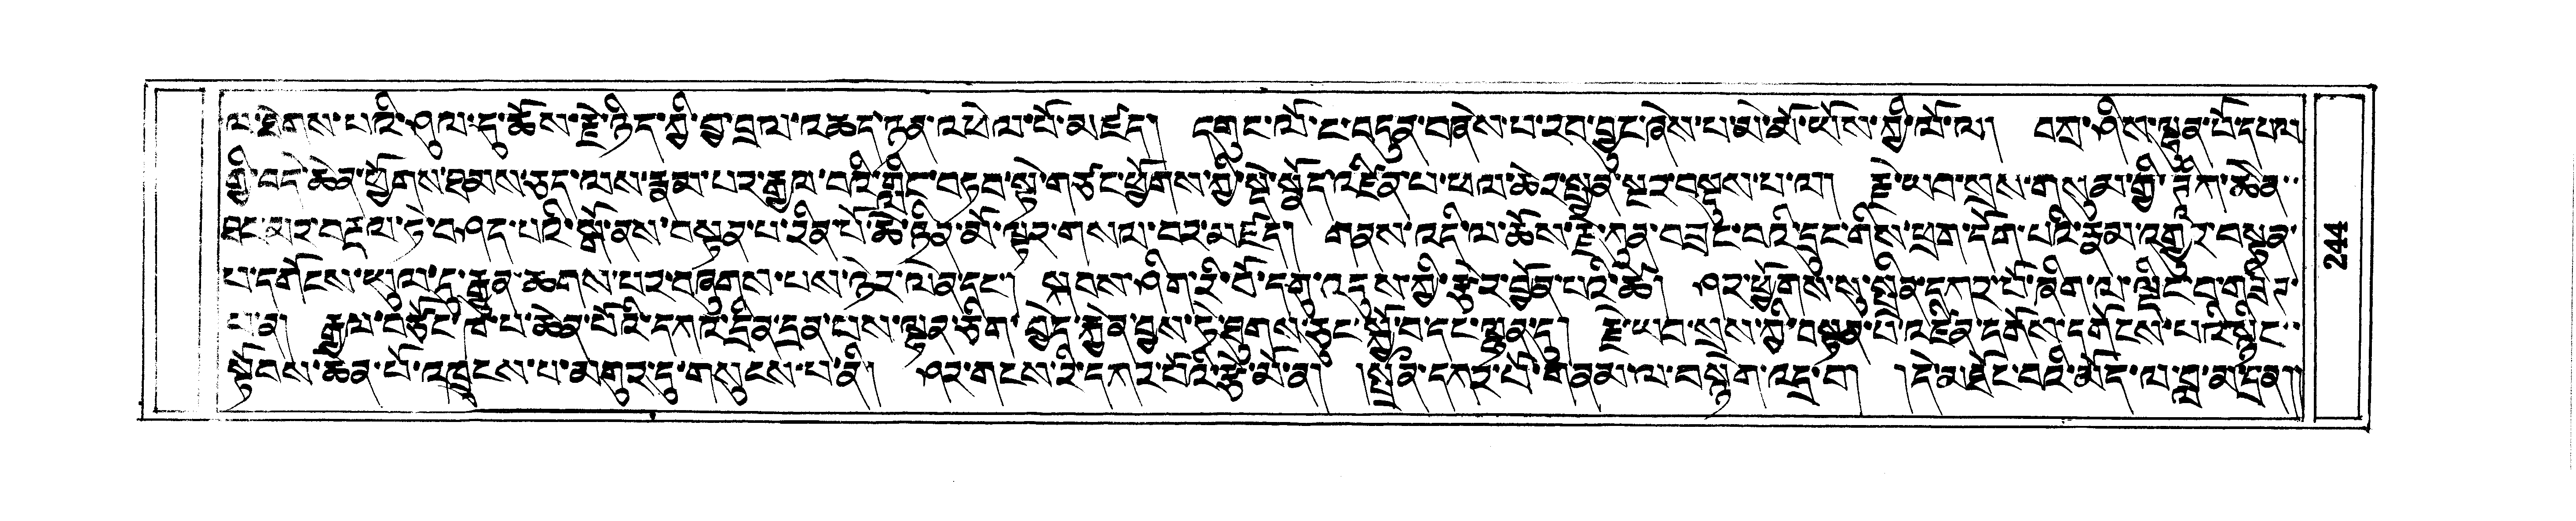ལ་ཐེགས་པའི་ཤུལ་དུ་ཆོས་རྗེ་ཉིད་ཀྱི་བྱ་བྲལ་འཆད་ཉན་འཕེལ་པོ་མཛད། དགུང་ལོ་ང་བདུན་བཞེས་པ་རབ་བྱུང་ཞེས་པ་མེ་མོ་ཡོས་ཀྱི་ལོ་ལ། བཀྲ་ཤིས་ལྷུན་པོ་དཔལ་
གྱི་བདེ་ཆེན་ཕྱོགས་ཐམས་ཅད་ལས་རྣམ་པར་རྒྱལ་བའི་གླིང་བཏབ་སྟེ་གཙང་ཕྱོགས་ཀྱི་སྡེ་སྣོད་འཛིན་པ་ཕལ་ཆེར་སྤྱན་སྔར་བསྡུས་པ་ལ། རྗེ་ཡབ་སྲས་གསུམ་གྱི་ཊཱིཀ་ཆེན་
ཐང་མར་བརྡལ་ཏེ་བཤད་པའི་སྒོ་ནས་བསྟན་པ་རིན་པོ་ཆེ་ཉིན་མོ་ལྟར་གསལ་བར་མཛད། གནས་འདི་ལ་ཆོས་རྗེ་ཀུན་བཟང་བའི་དྲུང་གིས་ཕྲག་དོག་པའི་རྣམ་འགྱུར་བསྟན་
པ་དགོངས་ཡུལ་དུ་རྒྱུན་ཆགས་པར་བཞུགས་པས་ཉེར་ལེན་དང་། སྐབས་ཤིག་རི་བོ་དགུ་འདུས་ཀྱི་རྩེར་བྱོན་པའི་ཚེ། ཤར་ཕྱོགས་སུ་སྤྲིན་དཀར་པོ་ཞིག་ལ་ལྡིང་བ་གཟིཌ་
པ་ན། རྒྱལ་བཙོང་ཁ་པ་ཆེན་པོའི་དཀའ་དྲིན་དྲན་པས་ལྷན་ཅིག་བྱེད་རྐྱེན་བྱས་ཏེ་ཐུགས་ཅུང་སྐྱོ་བ་དང་ལྷན་དུ། རྗེ་ཡབ་སྲས་ཀྱི་བསྟན་པ་འཛིན་དགོས་དགོངས་པའི་སྙིང་
སྟོབས་ཆེན་པོ་འཁྲུངས་པ་མགུར་དུ་གསུངས་པ་ནི། ཤར་གངས་རི་དཀར་པོའི་རྩེ་མོ་ན། །སྤྲྀན་དཀར་པོ་གནམ་ལ་བསྙེག་འདྲ་ག །དེ་མཐོང་བའི་མོད་ལ་བླ་མ་དྲན། །